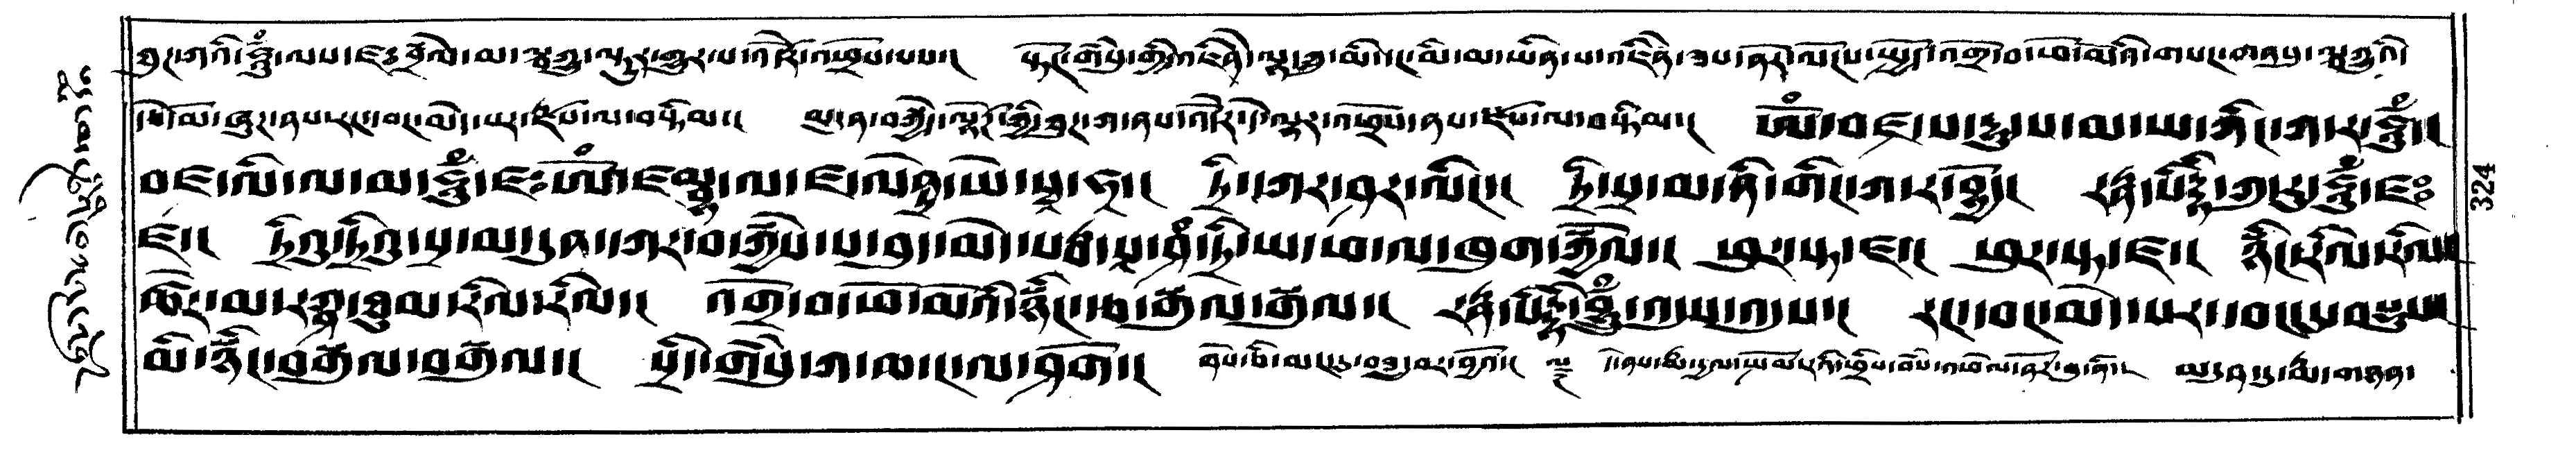ཐུགས་ཀའི་ཧཱུྃ་ལས་ཛཿསྦྲེལ་མ་ལྕགས་ཀྱུ་ལྟ་བུར་གྱུར་པ་ལས་འོད་ཟེར་འཕྲོས་པས། སྟོང་གསུམ་འཇིག་རྟེན་གྱི་ལྷ་ཀླུ་མི་དང་མི་མ་ཡིན་པ་ཀུན་ཀྱི་ཟས་ནོར་ལོངས་སྤྱོད་འགྲོ་བ་ཕོ་མོའི་གསང་གནས་སུ་ལྕགས་ཀྱུའི་
རྩེ་མོ་ཞུགས་ནས་རང་དབང་མེད་པར་རྫས་ལ་བསྟིམ། །མདུན་བསྐྱེད་ལྷ་ཚོགས་ཀྱི་ཐུགས་ཀ་ནས་འོད་ཟེར་དེ་ལྟར་འཕྲོས་ནས་རྫས་ལ་བསྟིམ། ཨོཾ་བཛྲ་ས་དྷུ་ས་མ་ཡ་ཀིང་ཀ་ར་ཧཱུྃ་
བཛྲ་ལི་ལ་མ་ཧཱུྃ་ཛཿཨོཾ་ཛམྦྷ་ལ་ཛ་ལེནྟྲ་ཡེ་སྭ་ཧཱ། ཏྲི་དཀར་ཤར་ལིང་། ཏྲི་པྲ་མ་ནི་གིང་ཀ་ར་བྷྱོ། རཏྣ་སིདྡྷི་ཀུ་རུ་ཧཱུྃ་ཛཿ
ཛ། ཏྲིའུ་ཏྲིའུ་པྲ་མ་དུན་དཀར་བ་སྐྱེས་པ་བུད་མེད་སརྦ་པཱ་ཤཾ་ཏྲི་ཡ་ཕ་ལ་ཁུག་སྐྱོལ། །ཕུར་སྟ་ཛ། ཕུར་སྟ་ཛ། སྙིང་རིལ་རིལ་
ཚེར་མ་རཀྴ་ཐུམ་རིལ་རིལ། །འགྲོ་བ་ཕོ་མོའི་སྙིང་རྩ་སྒུལ་སྒྲུལ། རཏྣ་སིདྡྷི་བྷྲུྃ་འདུས་འདུས།རང་དབང་མེད་པར་དབང་དུ་བསྡུས། 
མི་སྙིང་བསྒུལ་བསྒུལ། སྲིད་གསུམ་ཀ་ཆ་ང་ལ་ཤོག ། ཅེས་ཅི་མང་དུ་བཟླ་བ་ར་བྱའོ།། ༈ དེ་ནས་རྨ་རྒྱལ་སྤོམ་རའི་ཕྲིན་ལས་བསམ་འཕེལ་ནོར་བུ་ནི། མདུན་དུ་རྨ་གཉན་